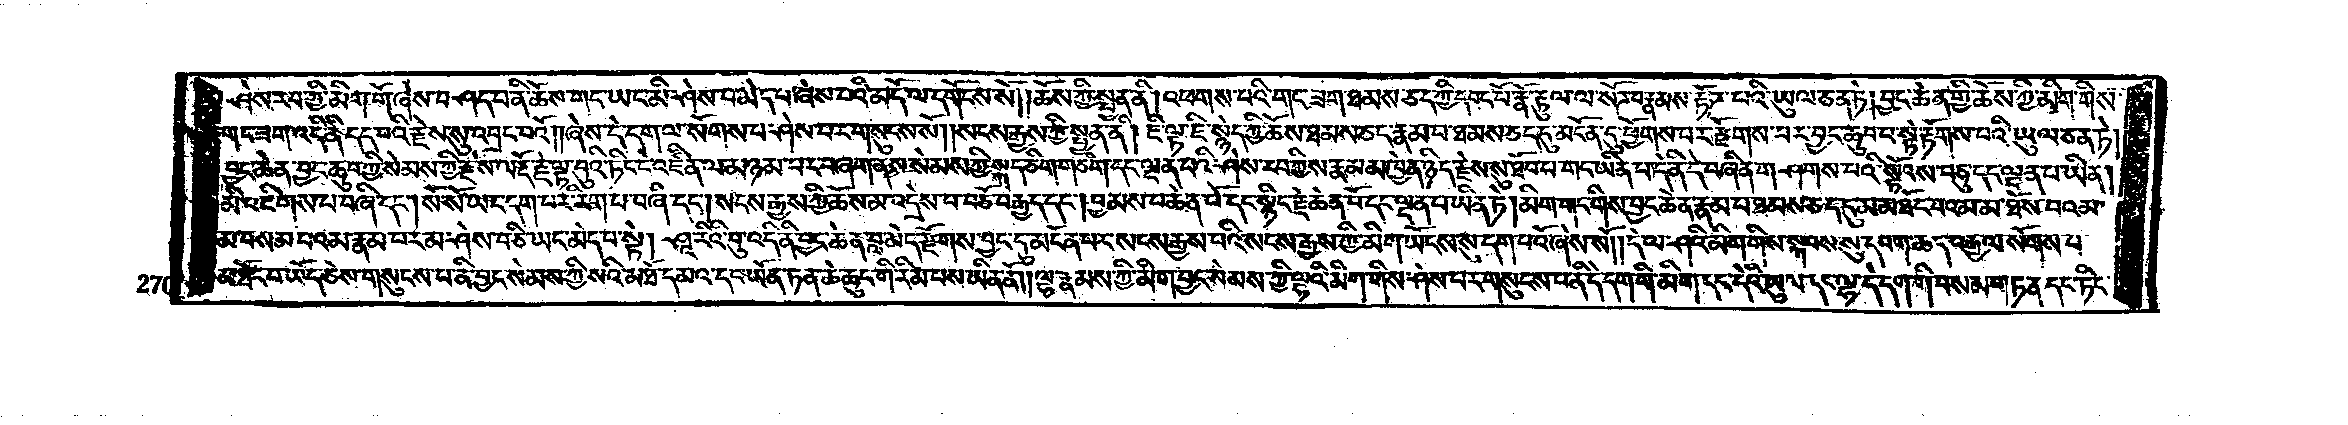ཤེས་རབ་ཀྱི་མིག་གོ་ཞེས་བཤད་པ་ནི་ཆོས་གང་ཡང་མི་ཤེས་པ་མེད་པ་ཞེས་པའི་མདོ་ལ་དགོངས་སོ། །ཆོས་ཀྱི་སྤྱན་ནི། འཕགས་པའི་གང་ཟག་ཐམས་ཅད་ཀྱི་དབང་པོ་རྣོ་རྟུལ་ལ་སོགས་པ་རྣམས་རྟོགས་པའི་ཡུལ་ཅན་ཏེ། བྱང་ཆེན་གྱི་ཆོས་ཀྱི་མིག་གིས་
གང་ཟག་འདི་ནི་དད་པའི་རྗེས་སུ་འབྲང་བའོ། །ཞེས་དེ་དག་ལ་སོགས་པ་ཤེས་པར་གསུངས་སོ། །སངས་རྒྱས་ཀྱི་སྤྱན་ནི། ཇི་ལྟ་ཇི་སྙེད་ཀྱི་ཆོས་ཐམས་ཅད་རྣམ་པ་ཐམས་ཅད་དུ་མངོན་དུ་ཕྱོགས་པར་རྫོགས་པར་བྱང་ཆུབ་པ་སྟེ་རྟོགས་པའི་ཡུལ་ཅན་ཏེ།
བྱང་ཆེན་བྱང་ཆུབ་ཀྱི་སེམས་ཀྱི་རྗེས་ལ་རྡོ་རྗེ་ལྟ་བུའི་ཏིང་ངེ་འཛིན་ལ་མཉམ་པར་བཞག་ནས་སེམས་ཀྱི་སྐད་ཅིག་གཅིག་དང་ལྡན་པའི་ཤེས་རབ་ཀྱིས་རྣམ་མཁྱེན་ཉིད་རྗེས་སུ་ཐོབ་པ་གང་ཡིན་པ་དེ་ནི་དེ་བཞིན་གཤེགས་པའི་སྟོབས་བཅུ་དང་ལྡན་པ་ཡིན།
མི་འཇིགས་པ་བཞི་དང་། སོ་སོ་ཡང་དག་པར་རིག་པ་བཞི་དང་། སངས་རྒྱས་ཀྱི་ཆོས་མ་འདྲེས་པ་བཅོ་བརྒྱད་དང་། བྱམས་པ་ཆེན་པོ་དང་སྙིང་རྗེ་ཆེན་པོ་དང་ལྡན་པ་ཡིན་ཏེ། མིག་གང་གིས་བྱང་ཆེན་རྣམ་པ་ཐམས་ཅད་དུ་མ་མཐོང་བའམ་མ་ཐོས་པའམ་
མ་བསམ་པའམ་རྣམ་པར་མ་ཤེས་བ་ཅི་ཡང་མེད་པ་སྟེ། ཤཱ་རིའི་བུ་འདི་ནི་བྱང་ཆེན་བླ་མེད་རྫོགས་བྱང་དུ་མངོན་པར་སངས་རྒྱས་པའི་སངས་རྒྱས་ཀྱི་མིག་ཡོངས་སུ་དག་པའོ་ཞེས་སོ། །དེ་ལ་ཤའི་མིག་གིས་སྐབས་སུ་དབག་ཆོད་བརྒྱ་ལ་སོགས་པ་
མཐོང་བ་ཡོད་ཅེས་གསུངས་པ་ནི་བྱང་སེམས་ཀྱི་སའི་མཐོ་དམའ་དང་ཡོན་ཏན་ཆེ་ཆུང་གི་རིམ་པས་ཡིན་ནོ། །ལྷ་རྣམས་ཀྱི་མིག་བྱང་སེམས་ཀྱི་ལྷའི་མིག་གིས་ཤེས་པར་གསུངས་པ་ནི་དེ་དག་གི་མིག་དང་དེའི་ཡུལ་དང་ལྷ་དེ་དག་གི་བསམ་གཏན་དང་ཏིང་